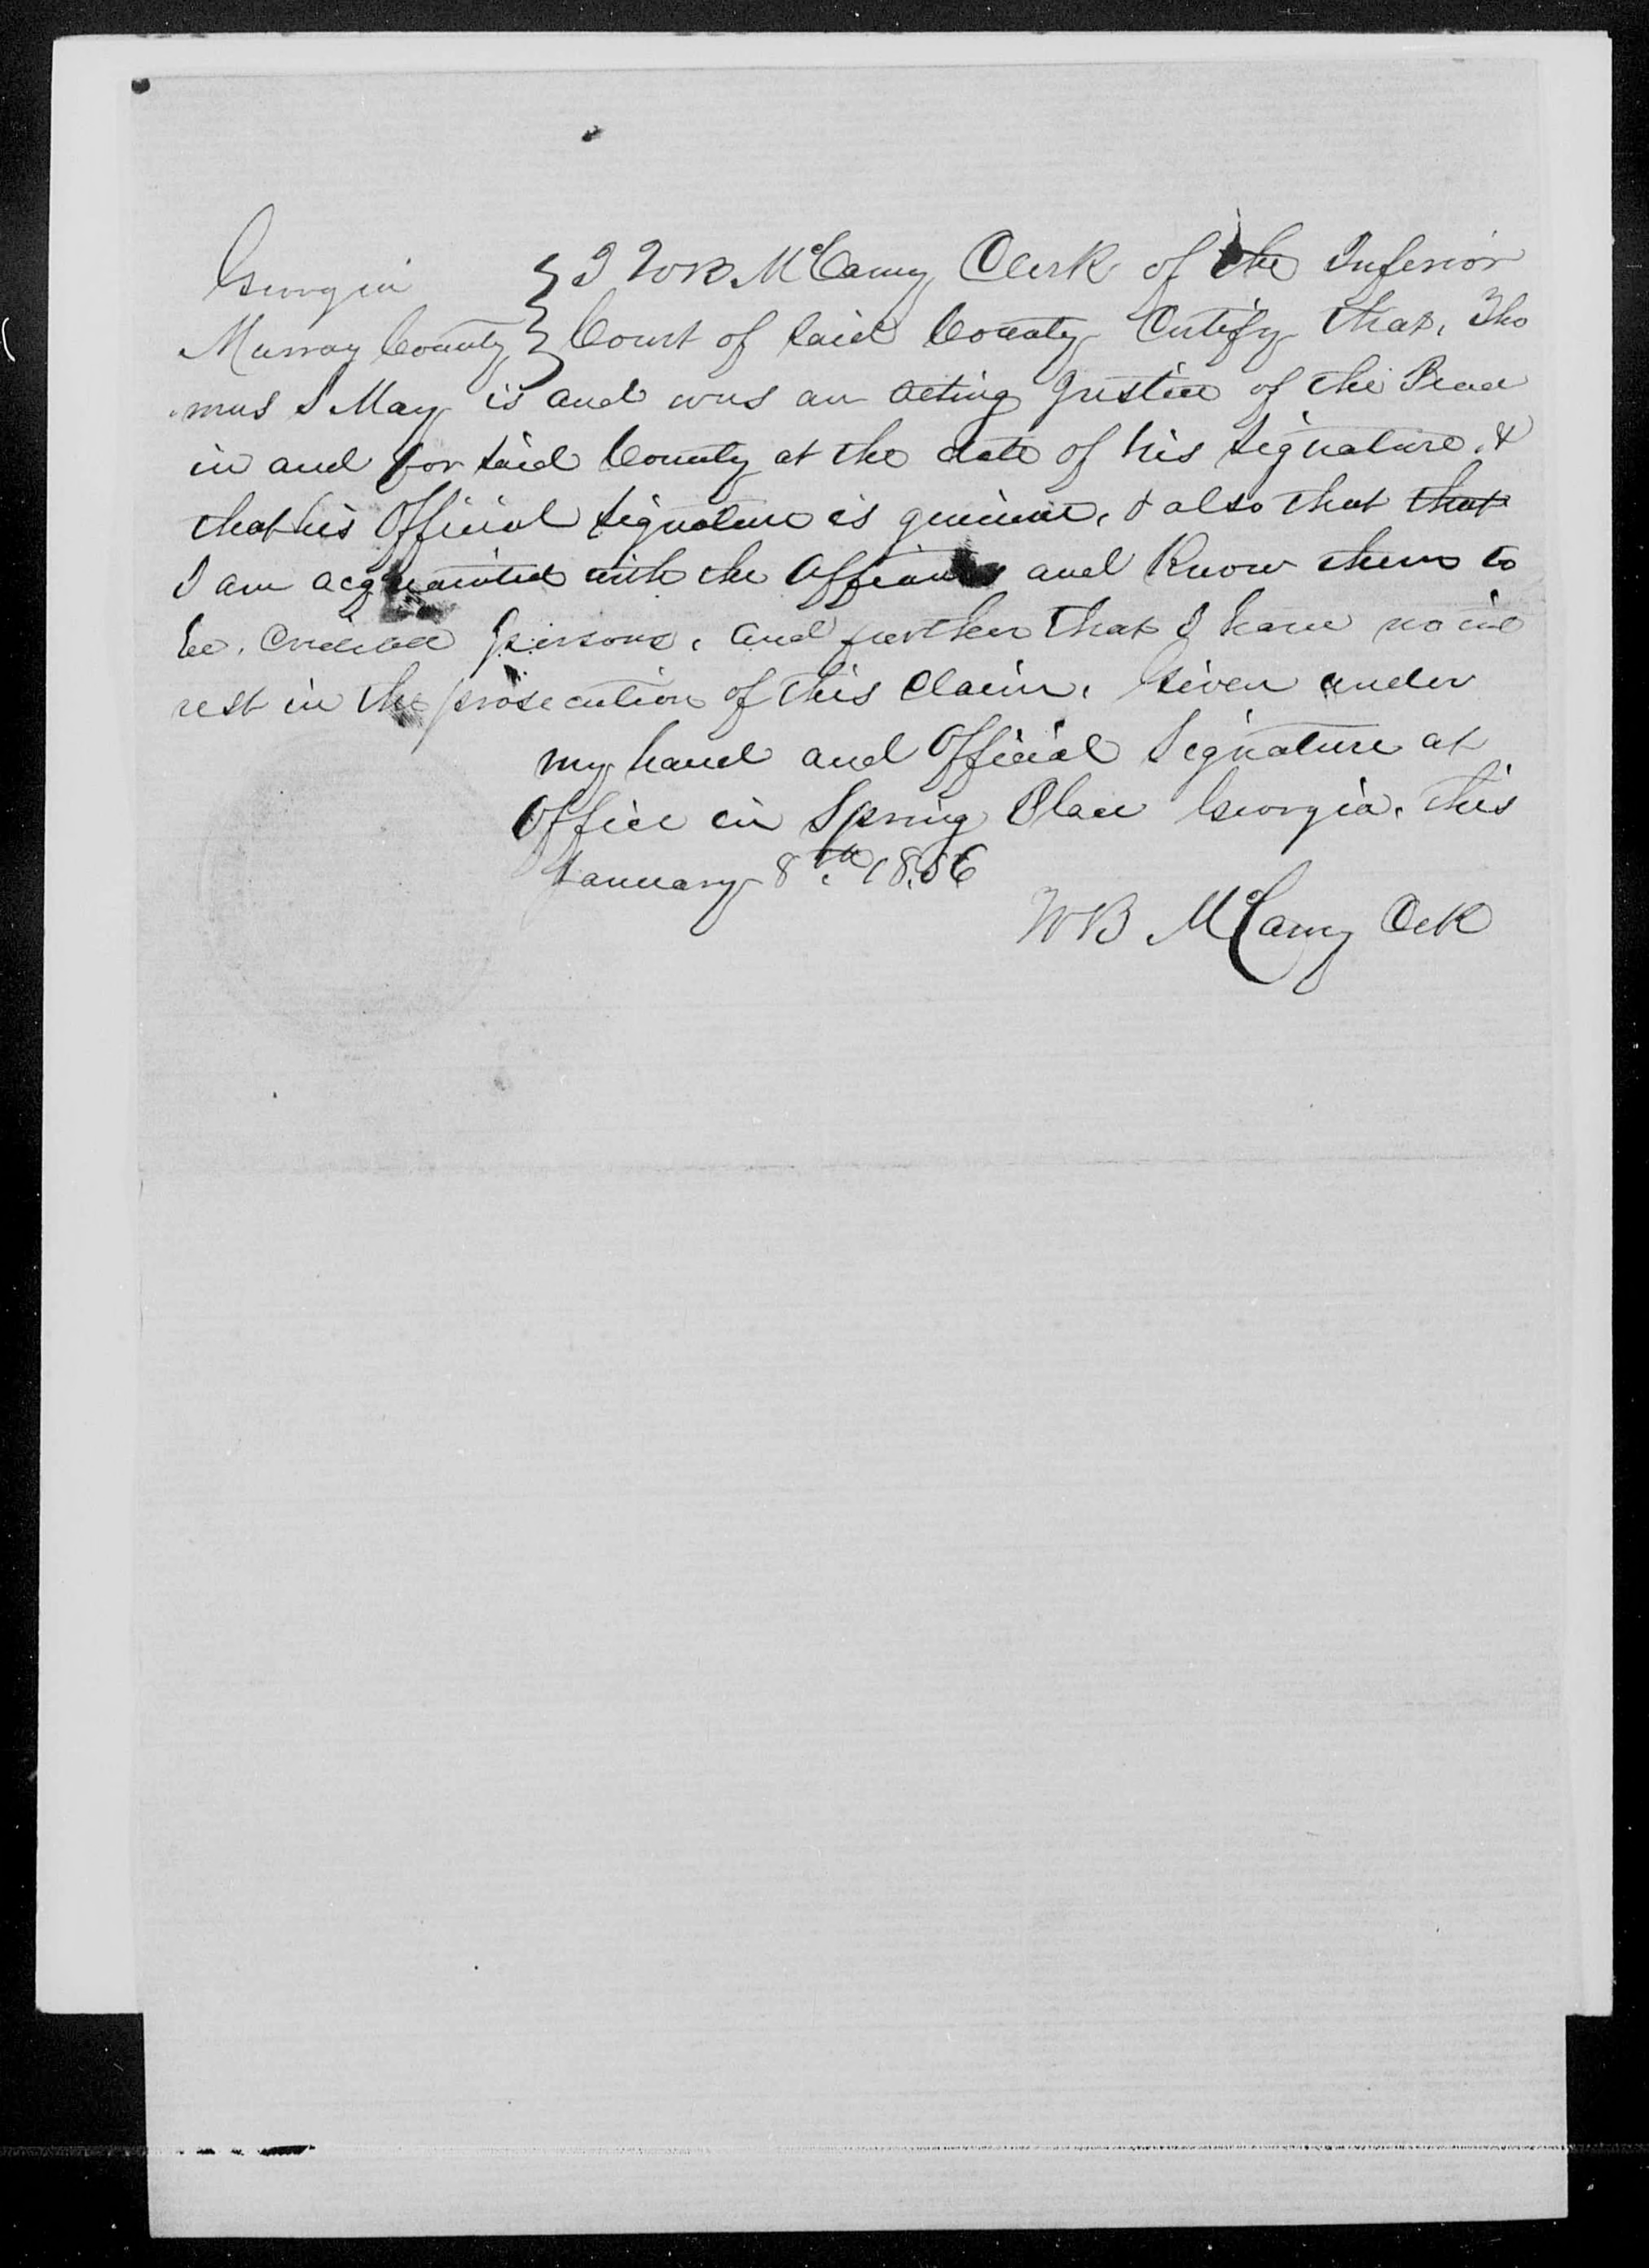Georgia
Murray County
I W. B. Mc Caney Clerk of the Inferior Court of [Illegible] County Certify that Thomas S. May is and was an acting Justice of the Peace in and for said County at the date of his Signature. I [illegible] Official Signature is genuine, I also [illegible] that I am acquainted with the official and know others to be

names: W B Mc Caney, Thomas S May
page: 45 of 75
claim: widow's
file: W. 25805, Andrew Hughes, N.C.